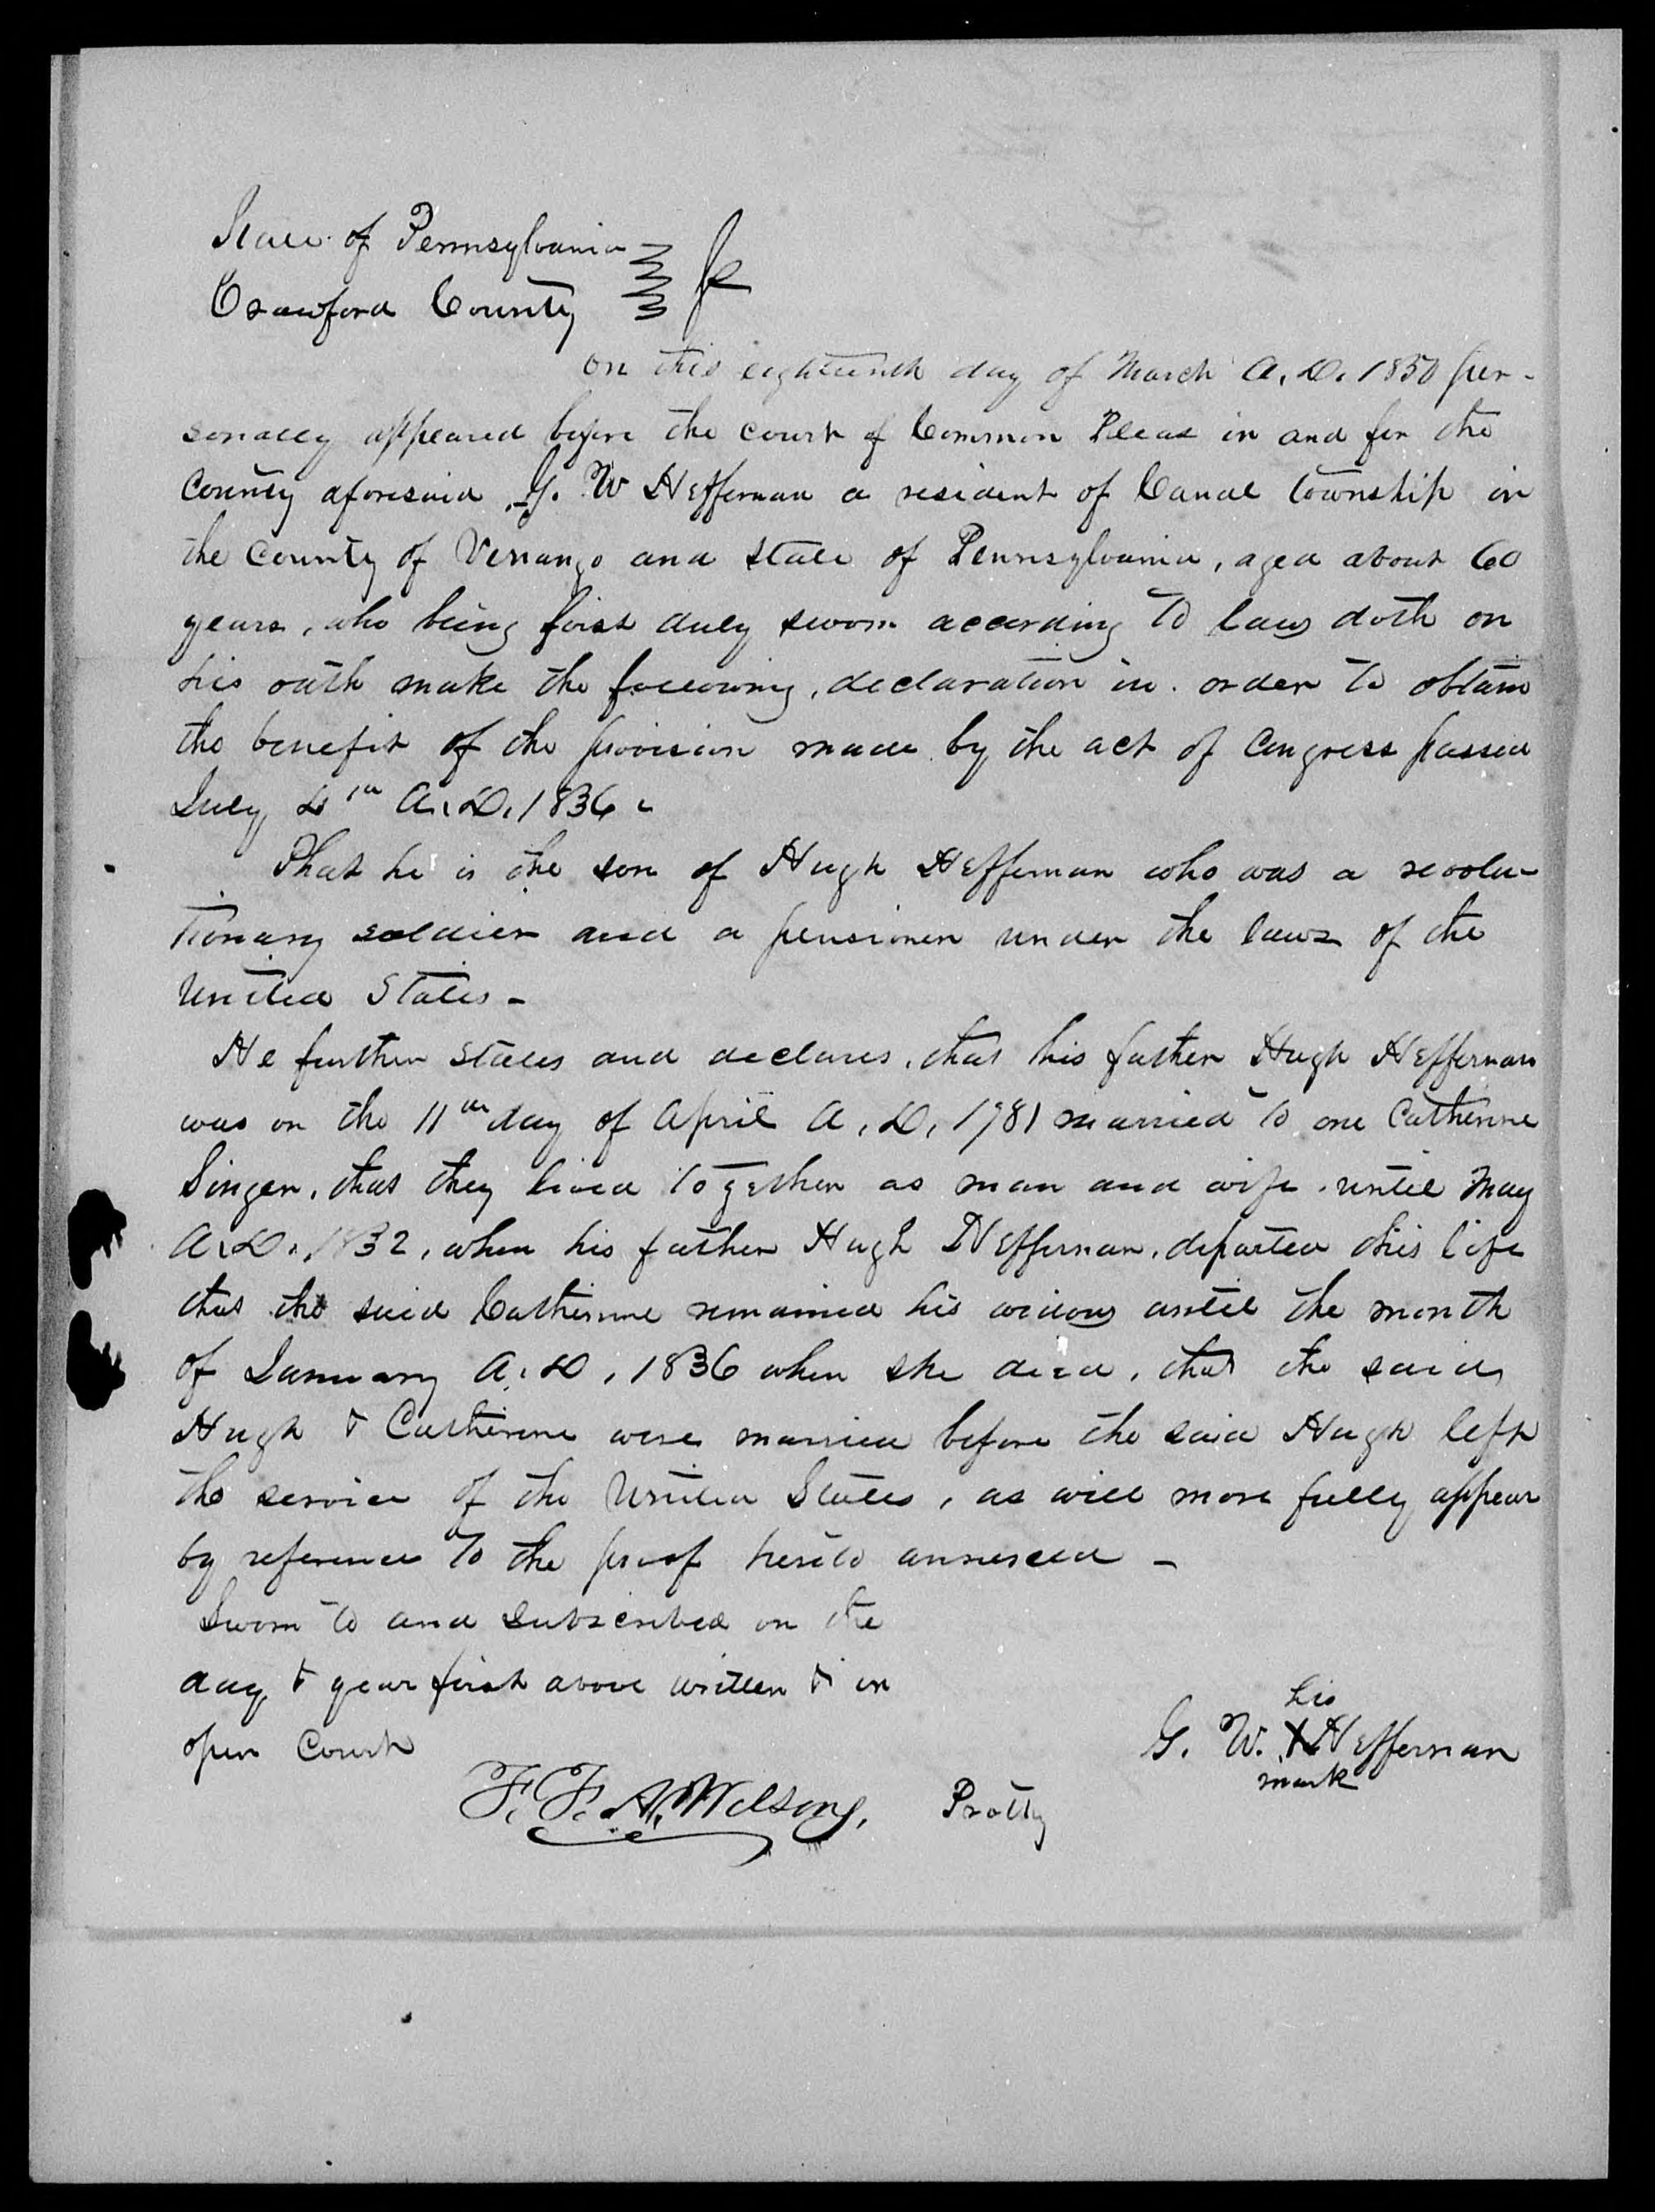State of Pennsylvania
Crawford County ss
On this eighteenth day of March A.D. 1850 personally appeared before the Court of Common Pleas in and for the
County aforesaid G. W Hefferman a resident of Canal township in
the County of Venango and State of Pennsylvania, aged about 60
years, who being first duly sworn according to law doth on
his oath make the following declaration in order to obtain
the benefit of the provision made by the act of Congress passed July 4th A.D. 1836.
That he is the son of Hugh Hefferman who was a revolutionary soldier and a pensioner under the laws of the United States.
He further states and declares that his father Hugh Heffernan was on the 11th day of April A.D. 1781 married to one Catherine Singer, that they lived together as man and wife until May
A.D. 1832, when his father Hugh Heffernan, departed this life.
That the said Catherine remained his widow until the month of January A.D. 1836 when she died, that the said
Hugh & Catherine were married before the said Hugh left
the service of the United States, as will more fully appear
by reference to the proof hereto annexed-
G.W. his mark Heffernan
Sworn to and subscribed on the
day & year first above written & in
open Court
F F A Wilson Prothy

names: Hugh Heffernan, Catherine, Hugh Heffernan, Hugh Heffernan, Catherine, Hugh, G W Heffernan, F F A Wilson, Hugh, G W Heffernan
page: 11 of 21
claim: rejected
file: R. 4419, Hugh Haffernan, Penn.